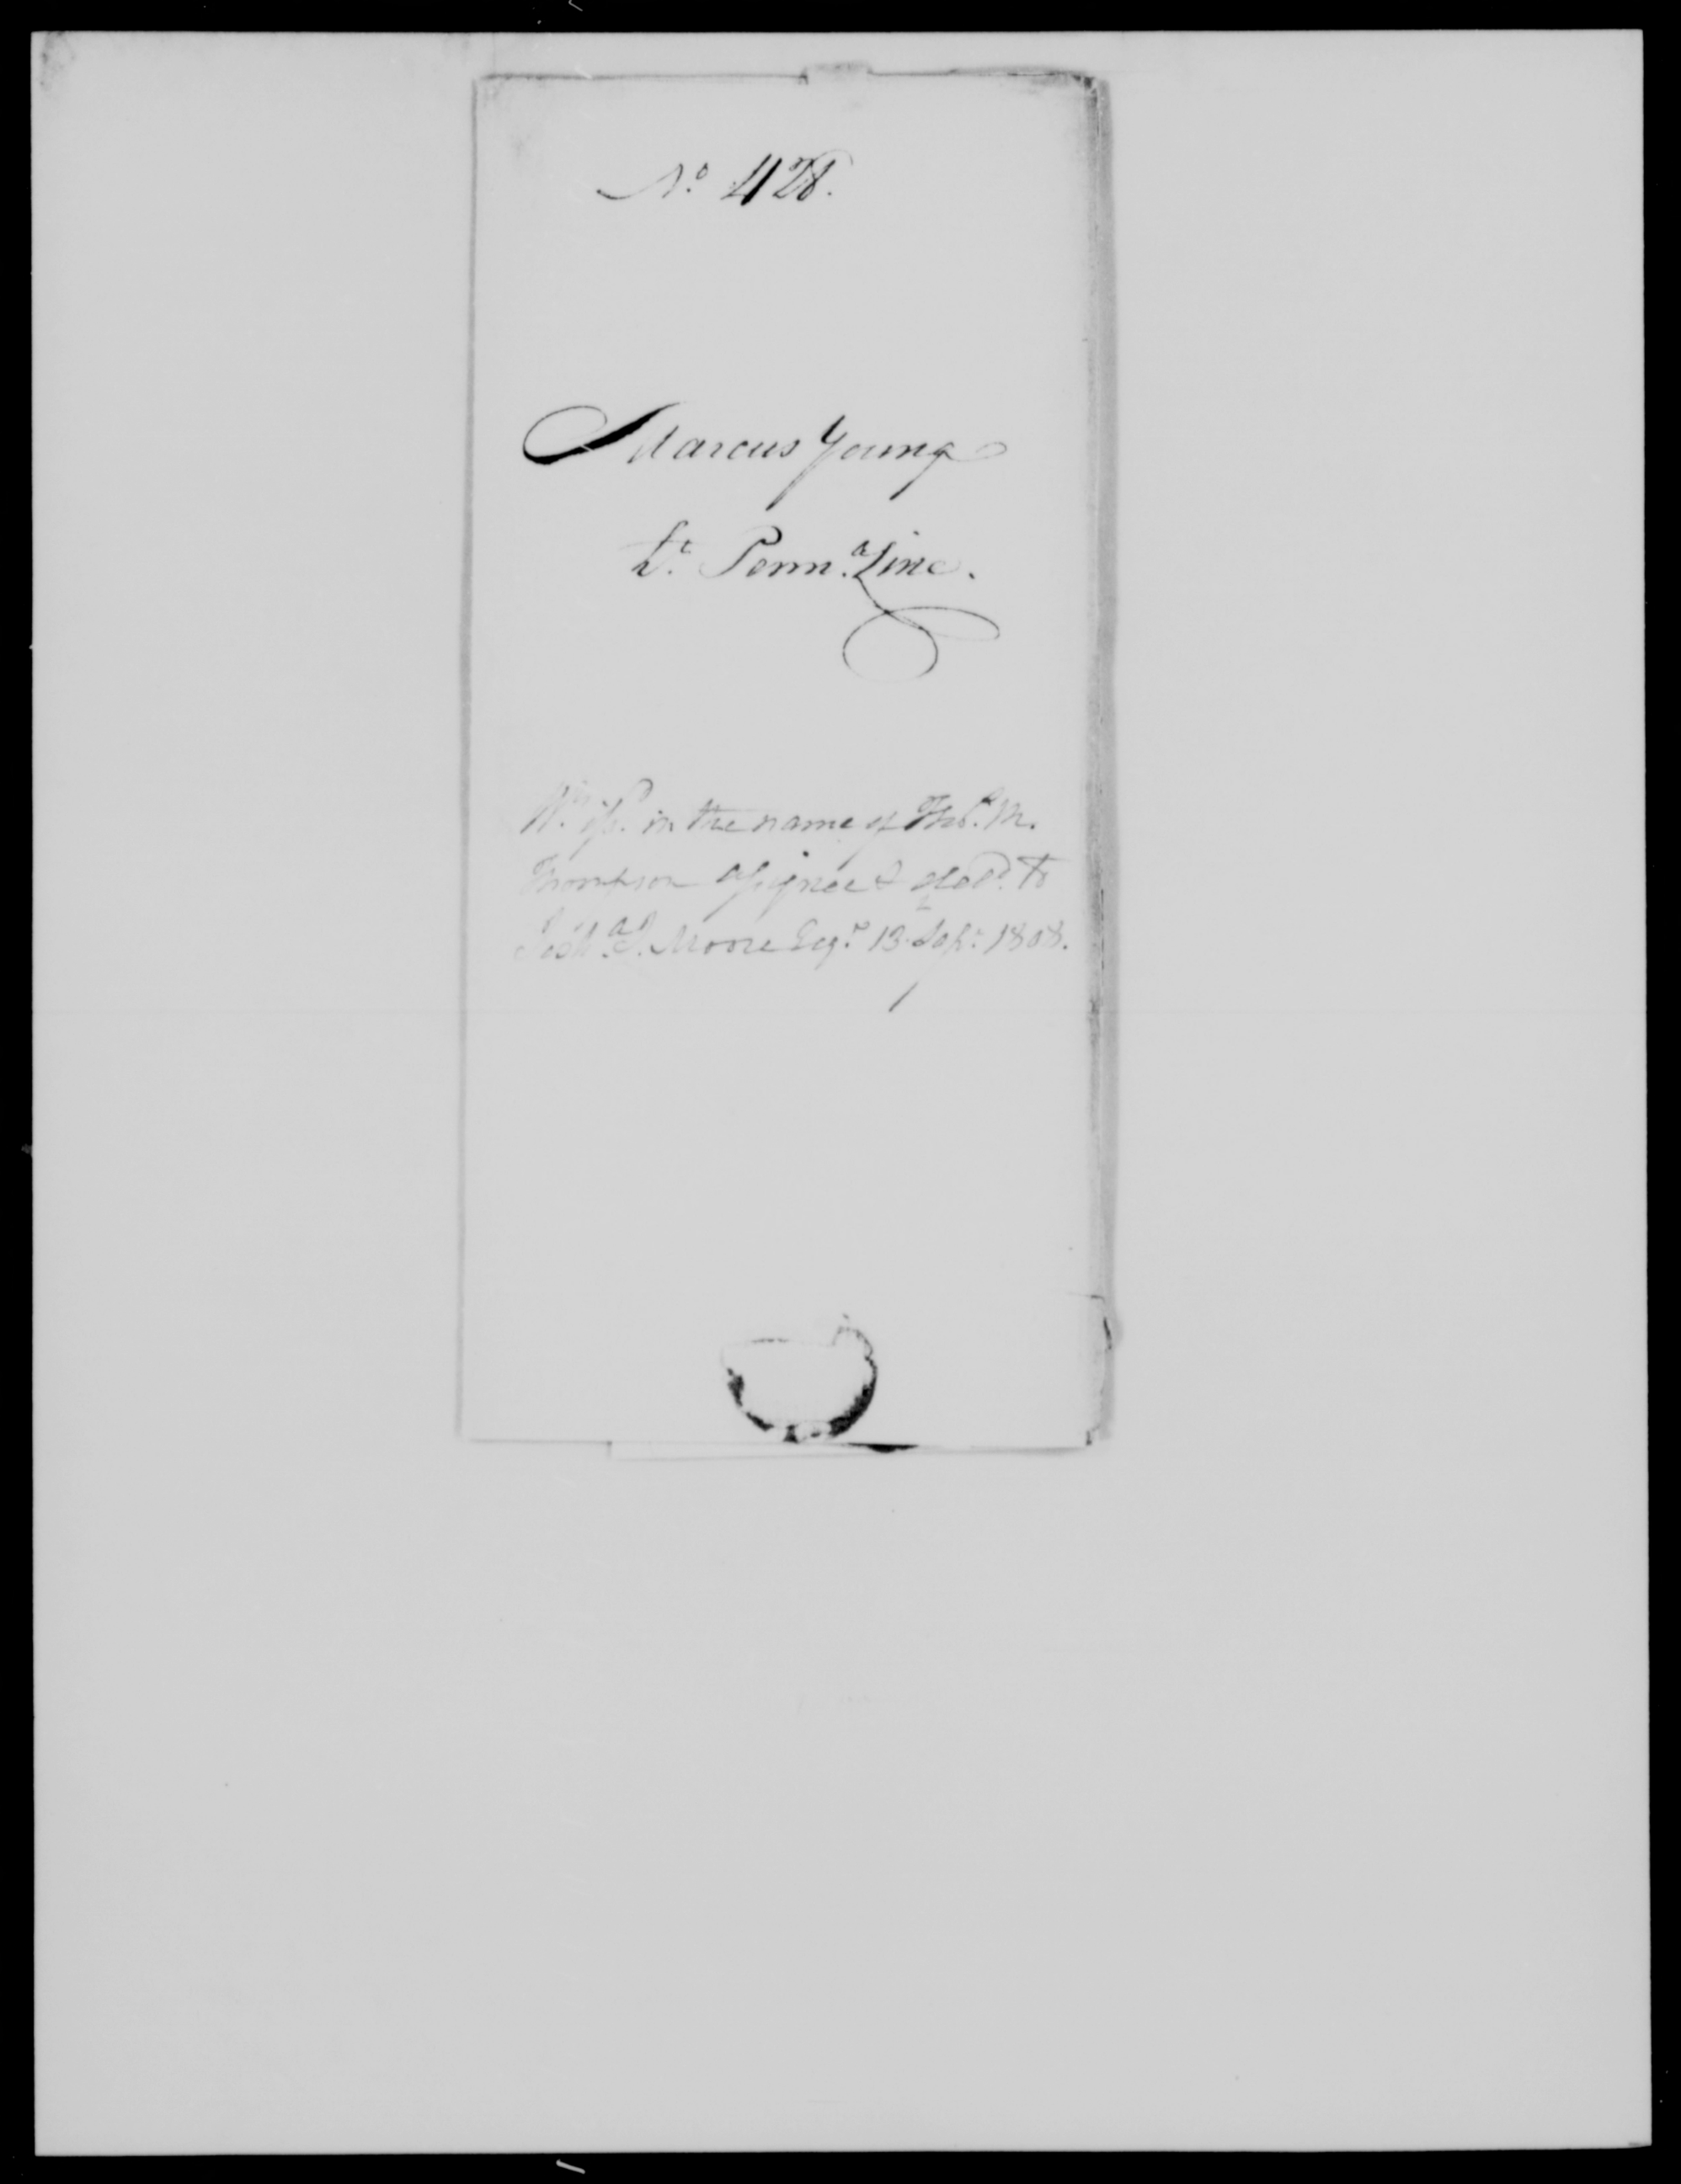No. 428
Marcus Young
Lt. Penn’a Line
W’t. [Warrant] iss’d [issued] in the name of Tho’s M. Thompson assignee rel’d to Jas J. Moore Esq’r. 13 Sept 1808.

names: Jas J Moore, Marcus Young, Jno M Gordon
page: 2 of 13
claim: bounty land warrant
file: B. L. Wt. 428-200, Marcus Young, Penn.